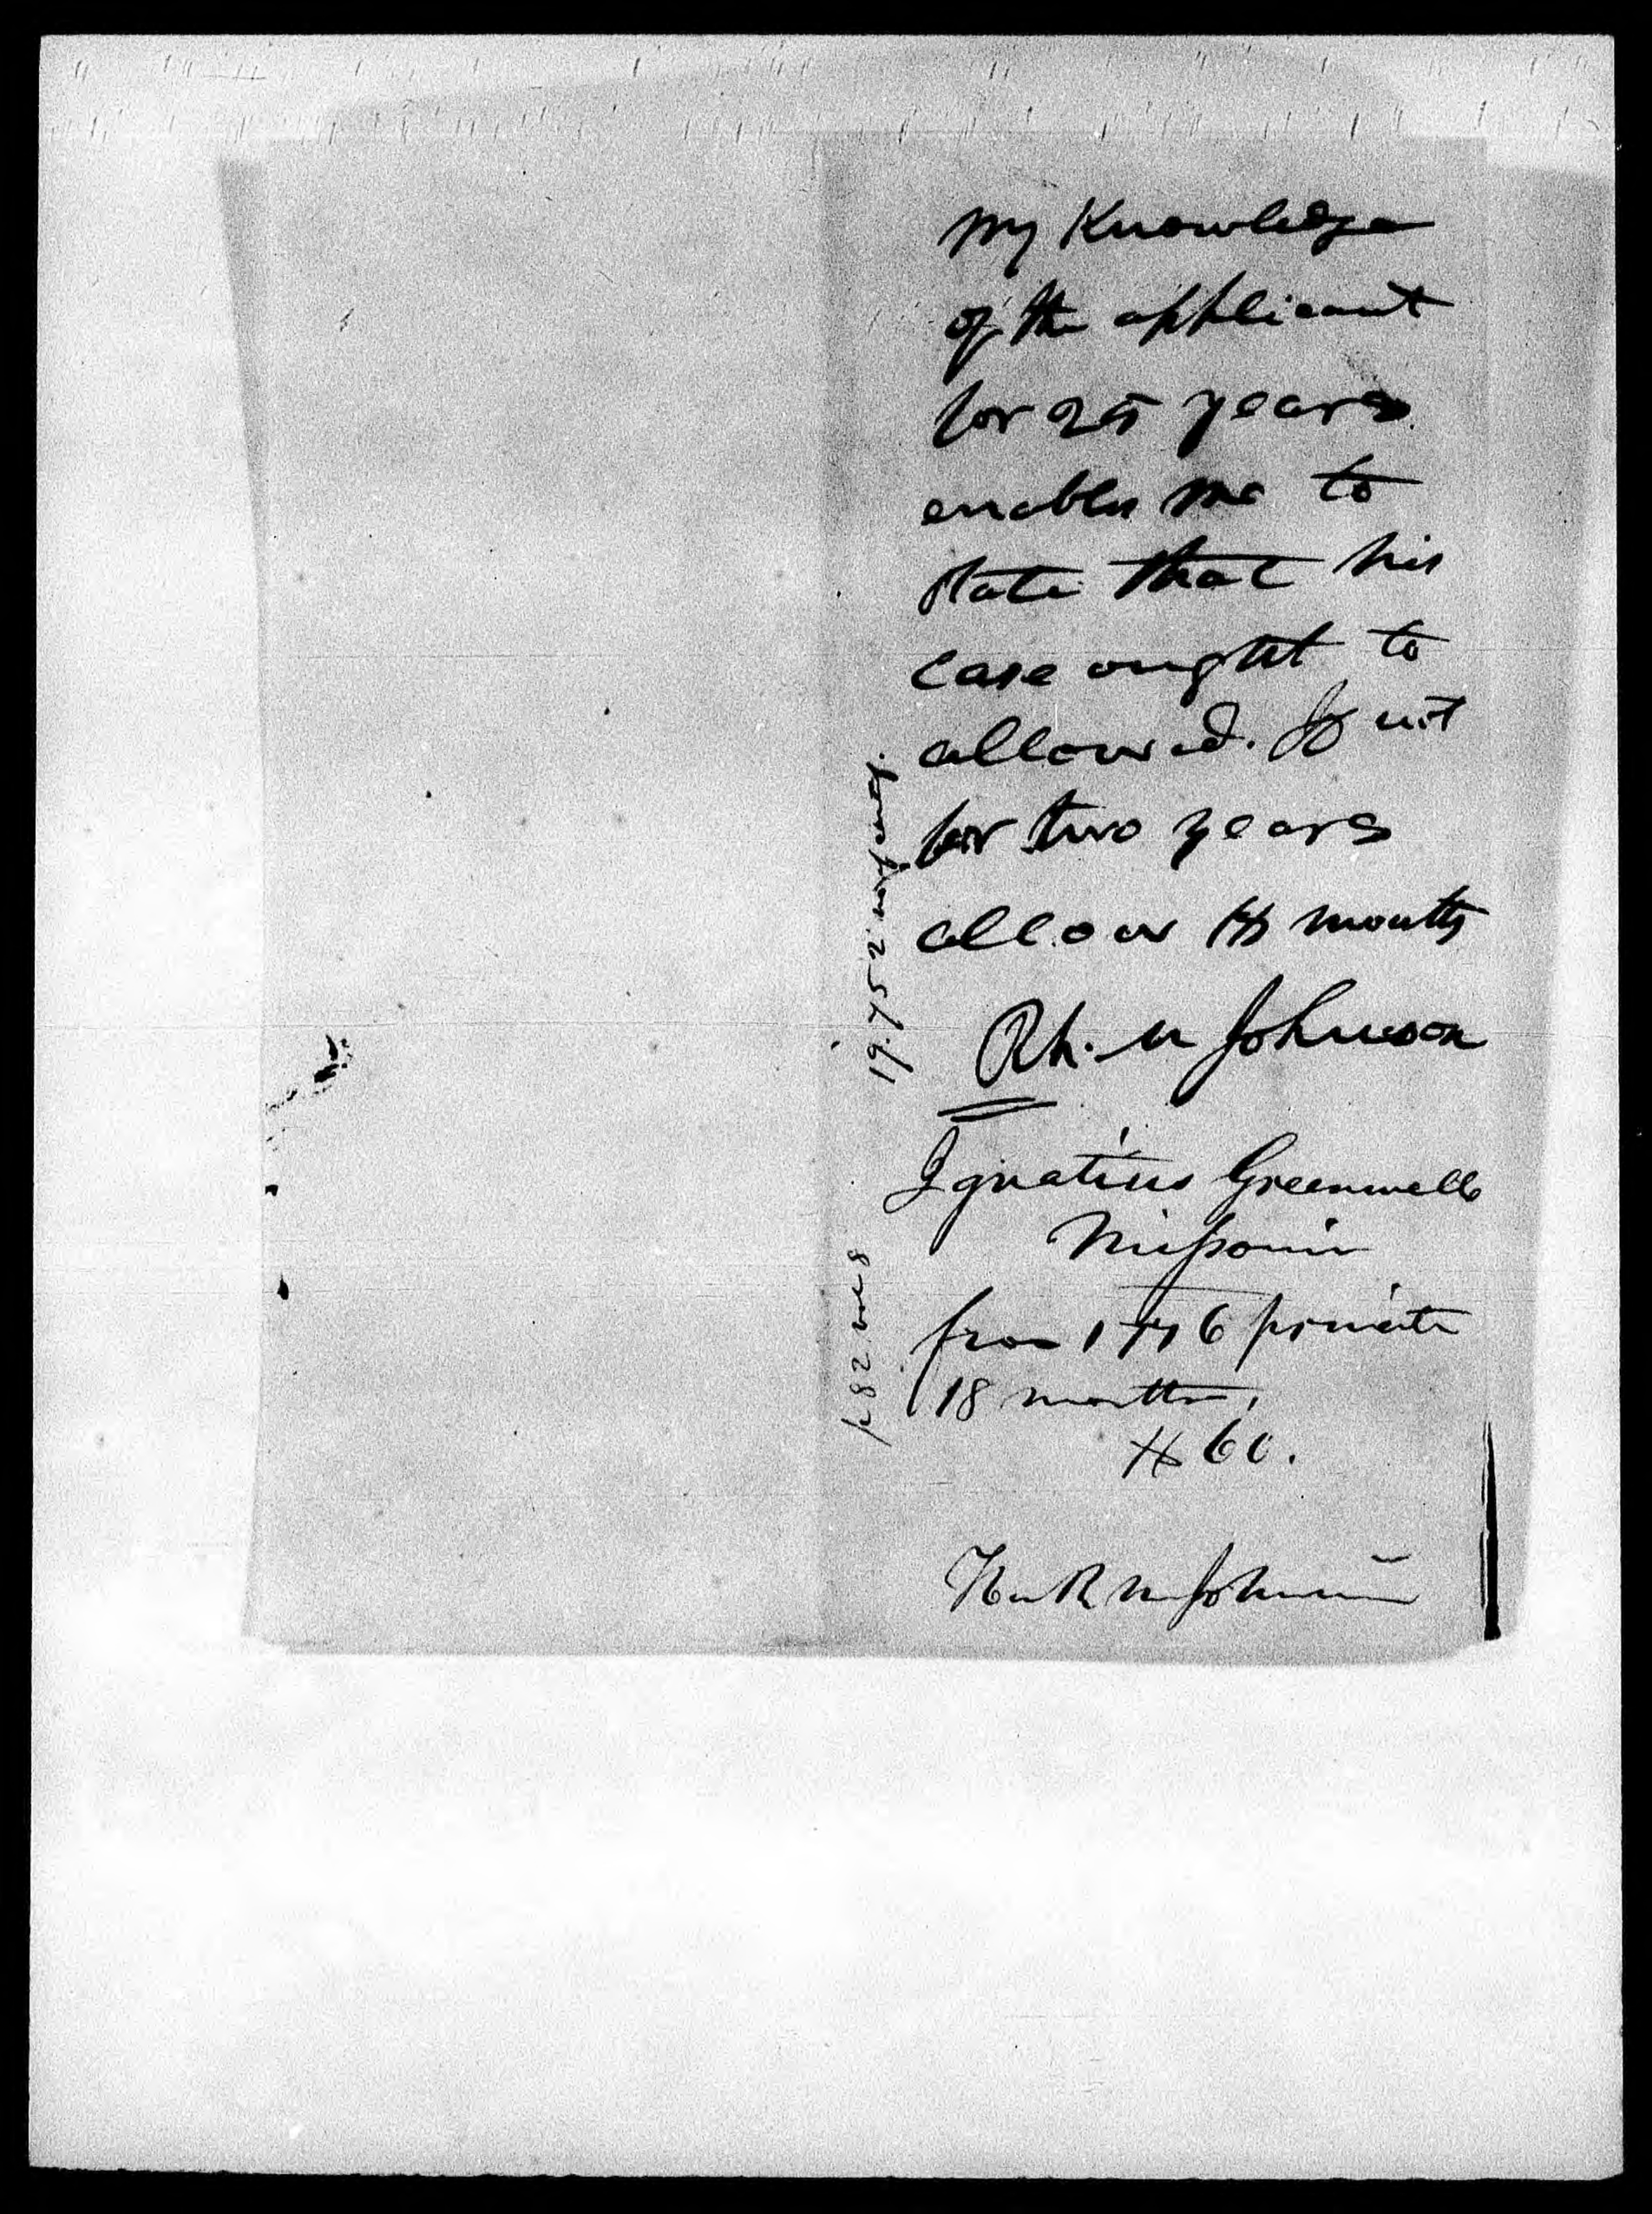my knowledge of the applicant for 25 years enables me to rate that his case ought to allow. If not for two years allow 20 months
Rh M Johnson

Ignatius Greenwell
Missouri
from 1776 private 18 months
$60

R M Johnson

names: Ignatius Greenwell, Rh M Johnson, R M Johnson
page: 7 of 19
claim: survivor's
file: S. 16836, Ignatus Greenwell, Md.